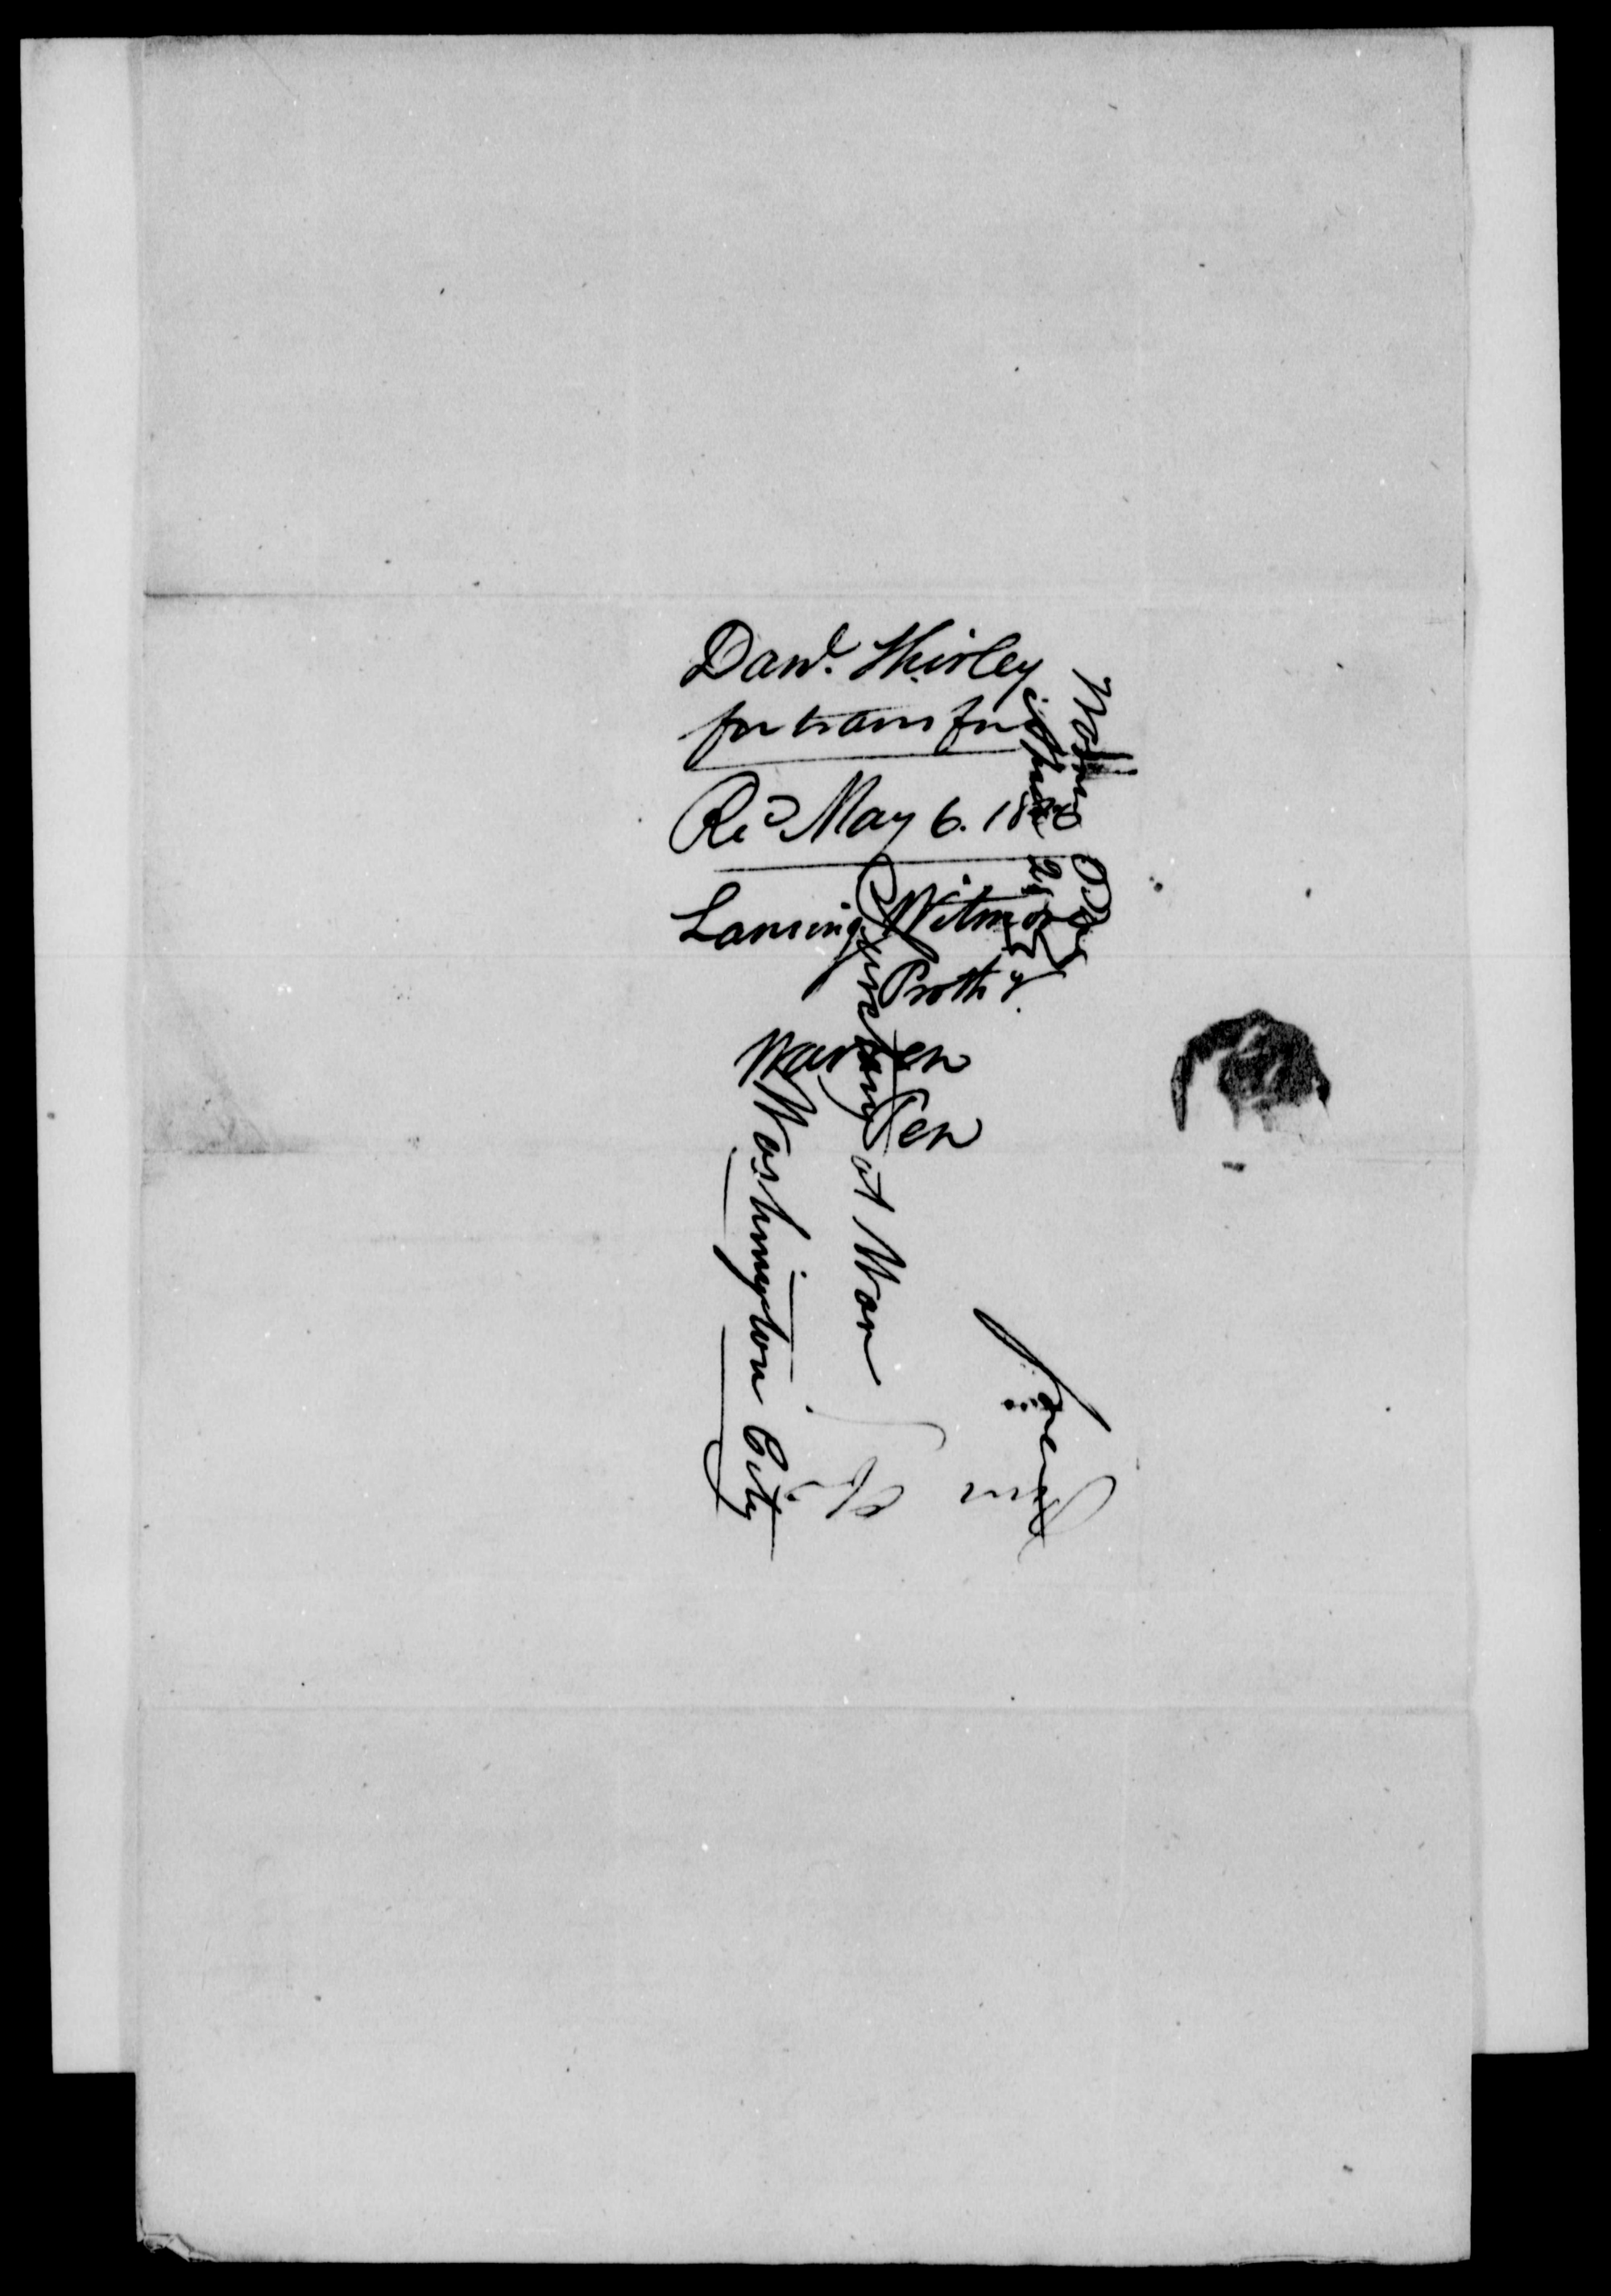Dan'l Shirley
for transfer
_______________________
Rc'd  May 6. 1826
_______________________
Lansing Witmore
Proth'y.
Warren Pen

[written vertically]

Mothers Day
April 21  87

free

Secretary at War
Washington City

[written upside down]
Pen Ofc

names: Danl Shirley; Lansing Witmore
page: 15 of 20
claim: survivor's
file: S. 40412, for Daniel Shirley, New Hampshire